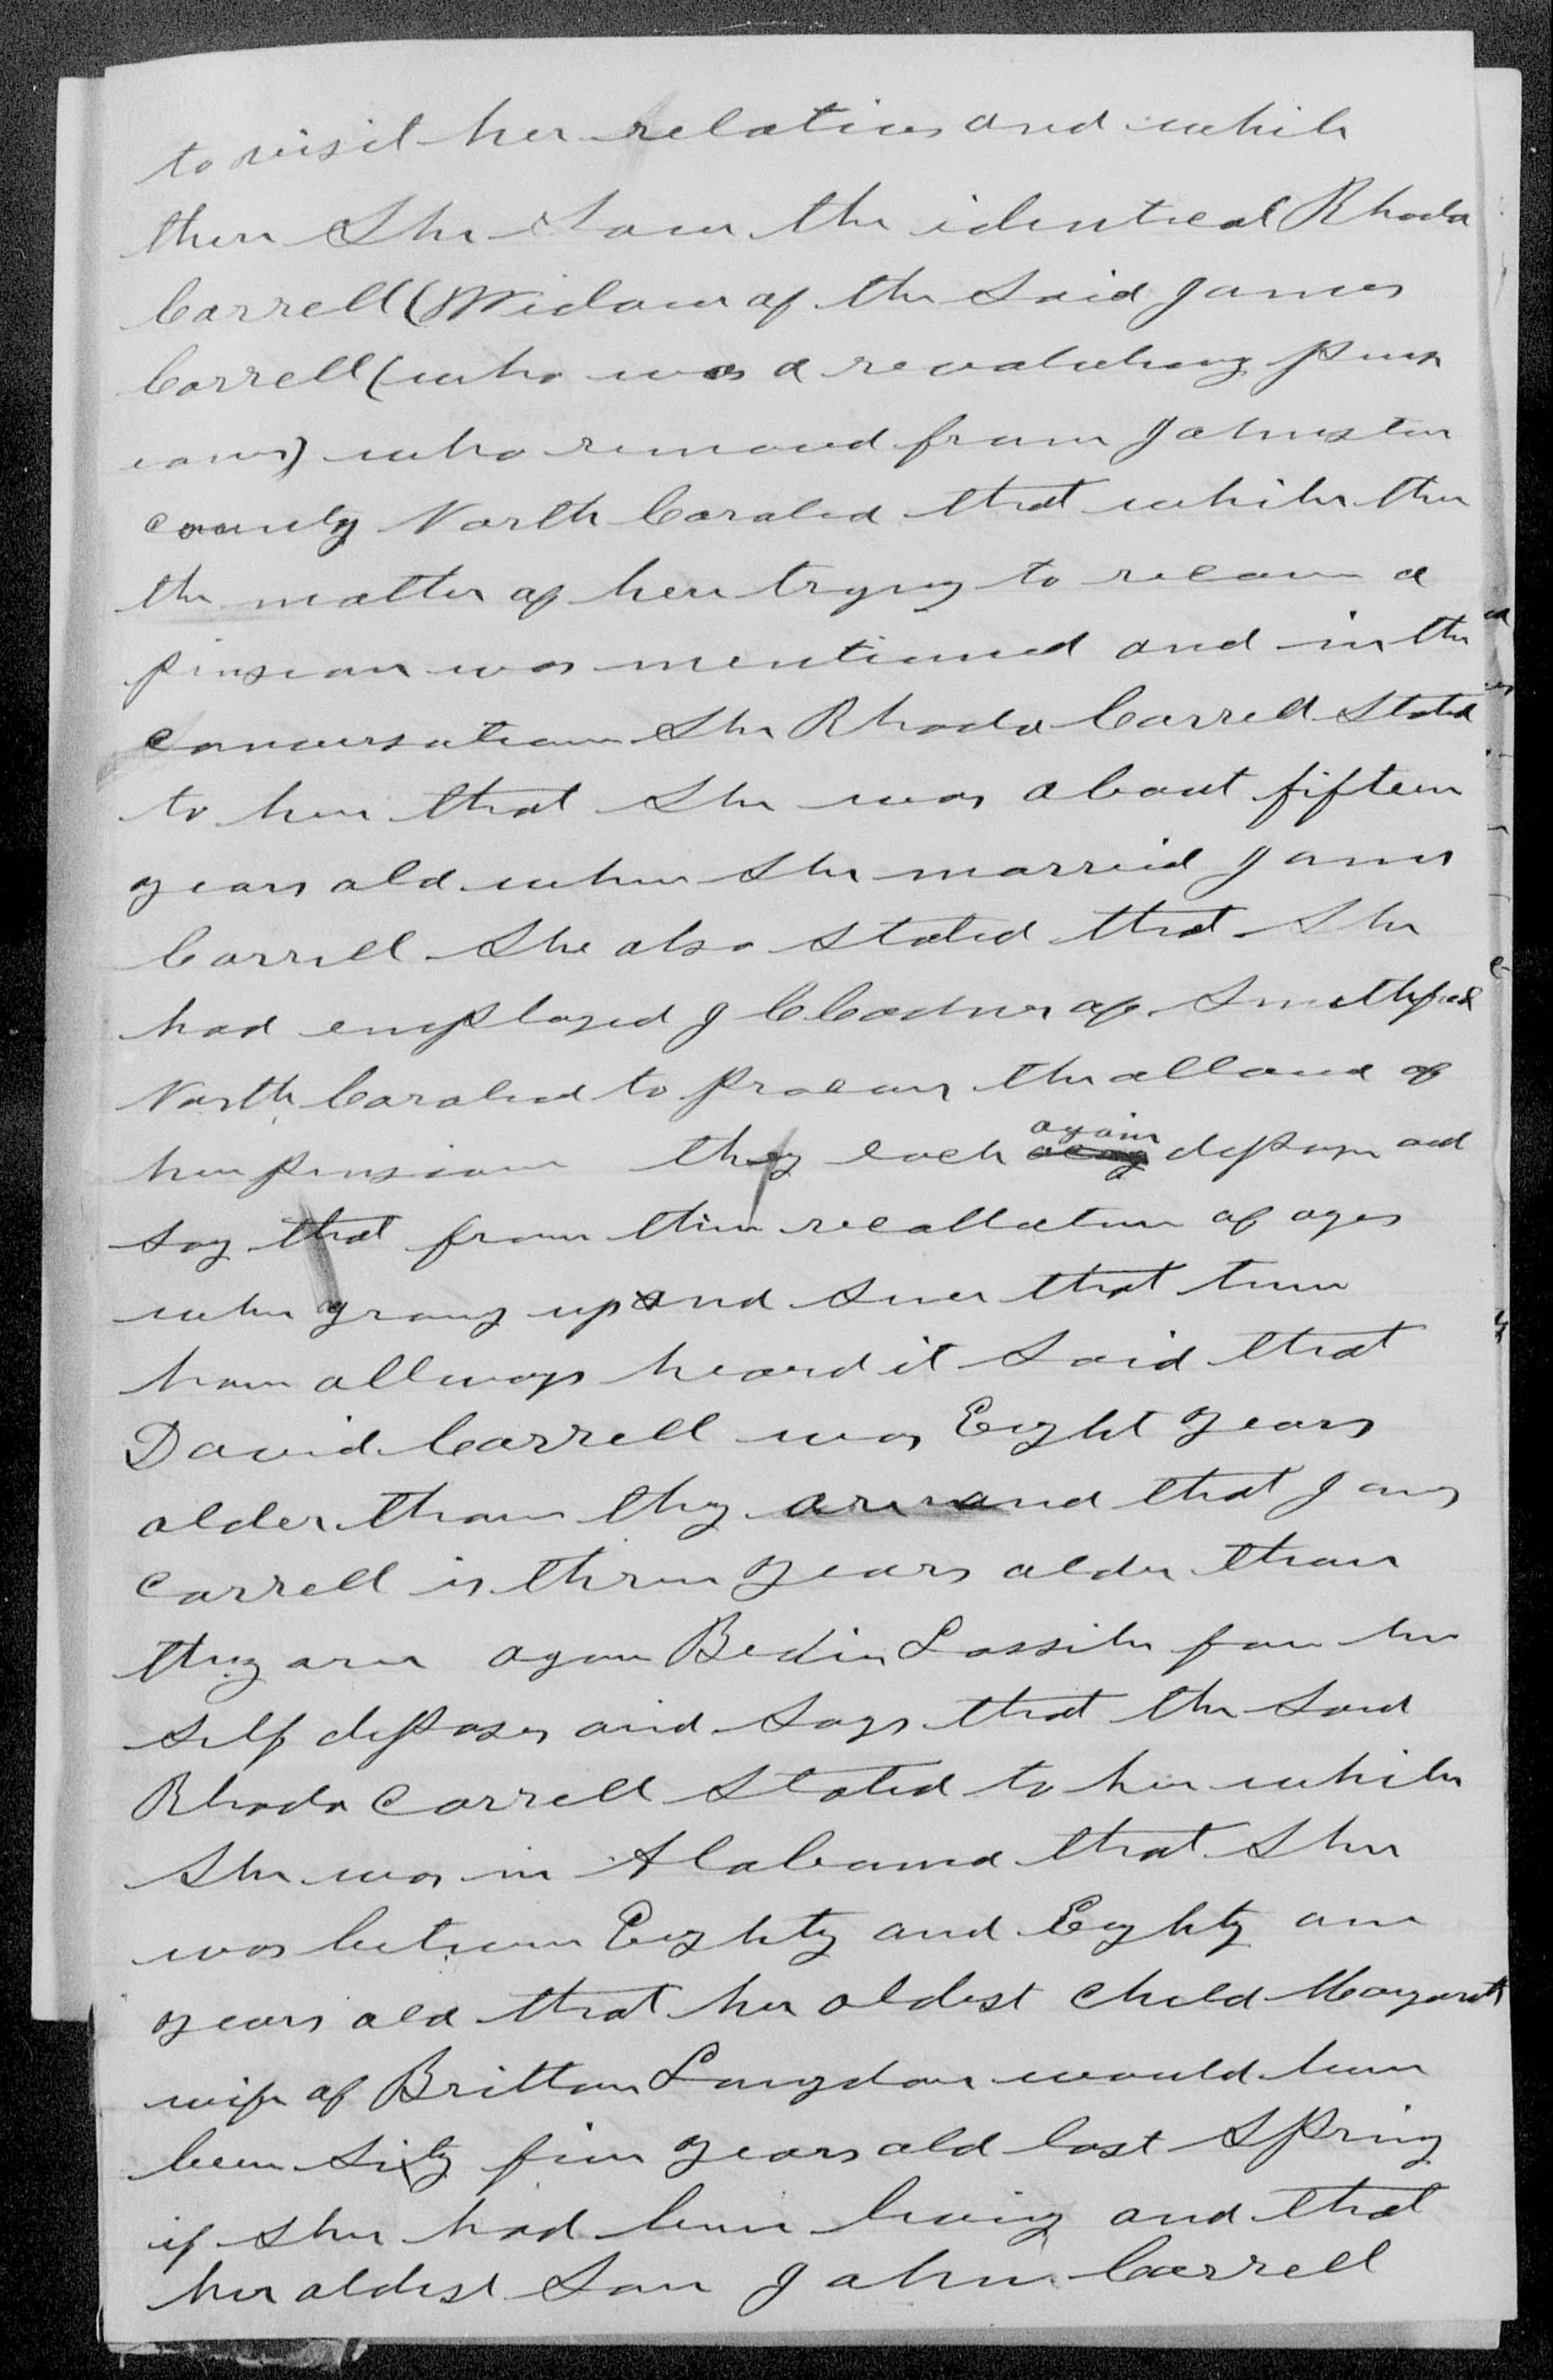to visit her relatives and which then she sawthe identical Rhoda Carroll (widow of the said James Carroll (who who was a revolutionary prisoner) who removed from Jamston County  North  Carolina that which there the matter of her trying trying to receive a pension was mentioned and in the conversation she Rhoda Carrell stated to him that she was about fifteen years old when she married James Carroll.  She also stated that she had employed J C Codner of Smithfield North Carolina to process the allowed  of to her pensioner.  They each again depose and say that from their recollection of ages when growing up  and since that  time had always heard it said that David Carroll was eight years older than they are  and that James Carroll is three years older than they are again Bedie Lassiter  for himself self deposes and says that the said Rhoda Carrell stated to him while she was in Alabama and that was between eighty and eighty one years old that her oldest child Margaret wife of Brittan Langdon  would have been sixty five years old last spring  if she had been living and that her oldest son John Carell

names: Rhoda Carrell, James Carrell, Brittan Langdon, Bedie Lassiter, J C Codner, James Carrell, Jans Carrell, Rhoda Carrell, David Carrell, Rhoda Carrell, John Carrell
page: 58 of 86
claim: widow's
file: W. 6899, James Carrell, N.C.